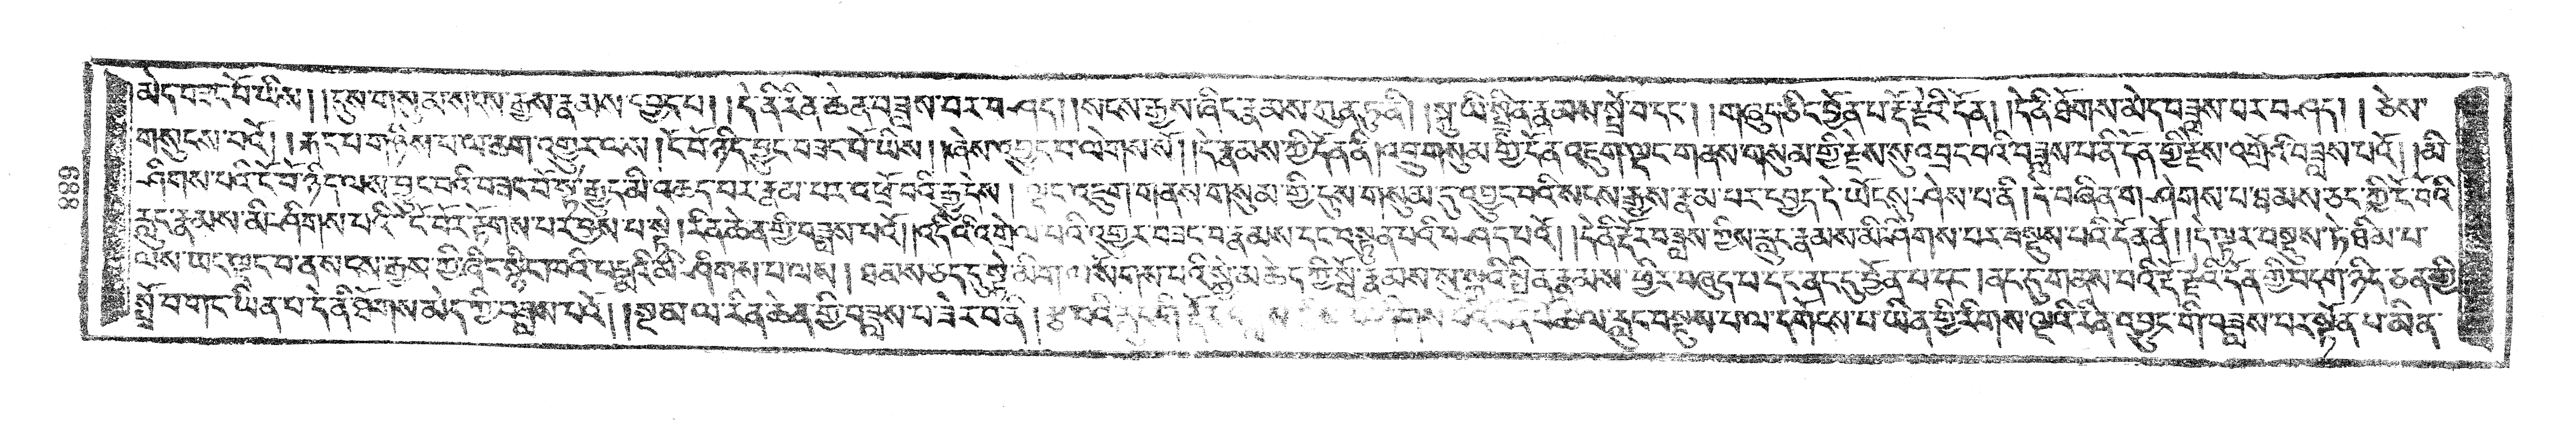མེད་བཟང་པོ་ཡིས། །དུས་གསུམ་སངས་རྒྱས་རྣམས་དཔྱད་པ། །དེ་ནི་རིན་ཆེན་བཟླས་པར་བཤད། །སངས་རྒྱས་ཞིང་རྣམས་ཀུན་ཏུ་ནི། །སྐུ་ཡི་སྤྲིན་རྣམས་སྤྲོ་བ་དང་། །གཞུད་ཅིང་བྱོན་པ་རྡོ་རྗེའི་དོན། །དེ་ནི་ཐོགས་མེད་བཟླས་པར་བཤད། །ཅེས་
གསུངས་པའོ། །རྐང་པ་གཉིས་པ་ལ་ཆག་འགྱུར་ལས། ངོ་བོ་ཉིད་བྱུང་བཟང་པོ་ཡིས། །ཞེས་འབྱུང་བ་ལེགས་སོ། །དེ་རྣམས་ཀྱི་དོན་ནི། འབྲུ་གསུམ་གྱི་དོན་འཇུག་ལྡང་གནས་གསུམ་གྱི་རྗེས་སུ་འབྲང་བའི་བཟླས་པ་ནི་དོན་གྱི་རྗེས་འགྲོའི་བཟླས་པའོ། །མི་
ཤིགས་པའི་ངོ་བོ་ཉིད་ལས་བྱུང་བའི་བཟང་པོ་སྟེ་རྒྱུད་མི་འཆད་པར་རྣམ་པར་འཕྲོ་བའི་རྒྱུ་དེས། ལྡང་འཇུག་གནས་གསུམ་གྱི་དུས་གསུམ་དུ་འབྱུང་བའི་སངས་རྒྱས་རྣམ་པར་དབྱད་དེ་ཡོངས་སུ་ཤེས་པ་ནི། དེ་བཞིན་གཤེགས་པ་ཐམས་ཅད་ཀྱི་ངོ་བོའི་
རླུང་རྣམས་མི་ཤིགས་པའི་ངོ་བོར་རྟོགས་པར་བྱས་པ་སྟེ། རིན་ཆེན་གྱི་བཟླས་པའོ། །འདིའི་འགྲེལ་པའི་འགྱུར་བཟང་བ་རྣམས་དང་བསྟུན་པའི་བཤད་པའོ། །དེ་ནི་རྡོར་བཟླས་ཀྱིས་རླུང་རྣམས་མི་ཤིགས་པར་བསྡུས་པའི་དོན་ནོ། །དེ་ལྟར་བསྡུས་ཏེ་ཐིམ་པ་
ལས་ཡང་ལྡང་བ་ན་སངས་རྒྱས་ཀྱི་ཞིང་སྙིང་ཁའི་པདམའི་མི་ཤིགས་པ་ལས། ཐམས་ཅད་དུ་སྟེ་མིག་ལ་སོགས་པའི་སྐྱེ་མཆེད་ཀྱི་སྒོ་རྣམས་སུ་སྐུའི་སྤྲིན་རྣམས་ཕྱིར་བཞུད་པ་དང་ནང་དུ་བྱོན་པ་དང་། ནང་དུ་གནས་པའི་རྡོ་རྗེའི་དོན་གྱི་བདག་ཉིད་ཅན་གྱི་
སྤྲོ་བ་གང་ཡིན་པ་དེ་ནི་ཐོགས་མེད་ཀྱི་བཟླས་པའོ། །སྔ་མ་ལ་རིན་ཆེན་གྱི་བཟླས་པ་ཟེར་བ་ནི། རྩ་བའི་རླུང་གི་རྡོར་བཟླས་ཀྱིས་མི་ཤིགས་པའི་རིན་པོ་ཆེ་ལ་རླུང་བསྡུས་པ་ལ་དགོངས་པ་ཡིན་གྱི་རིགས་ལྔའི་རིན་འབྱུང་གི་བཟླས་པར་སྟོན་པ་མིན་